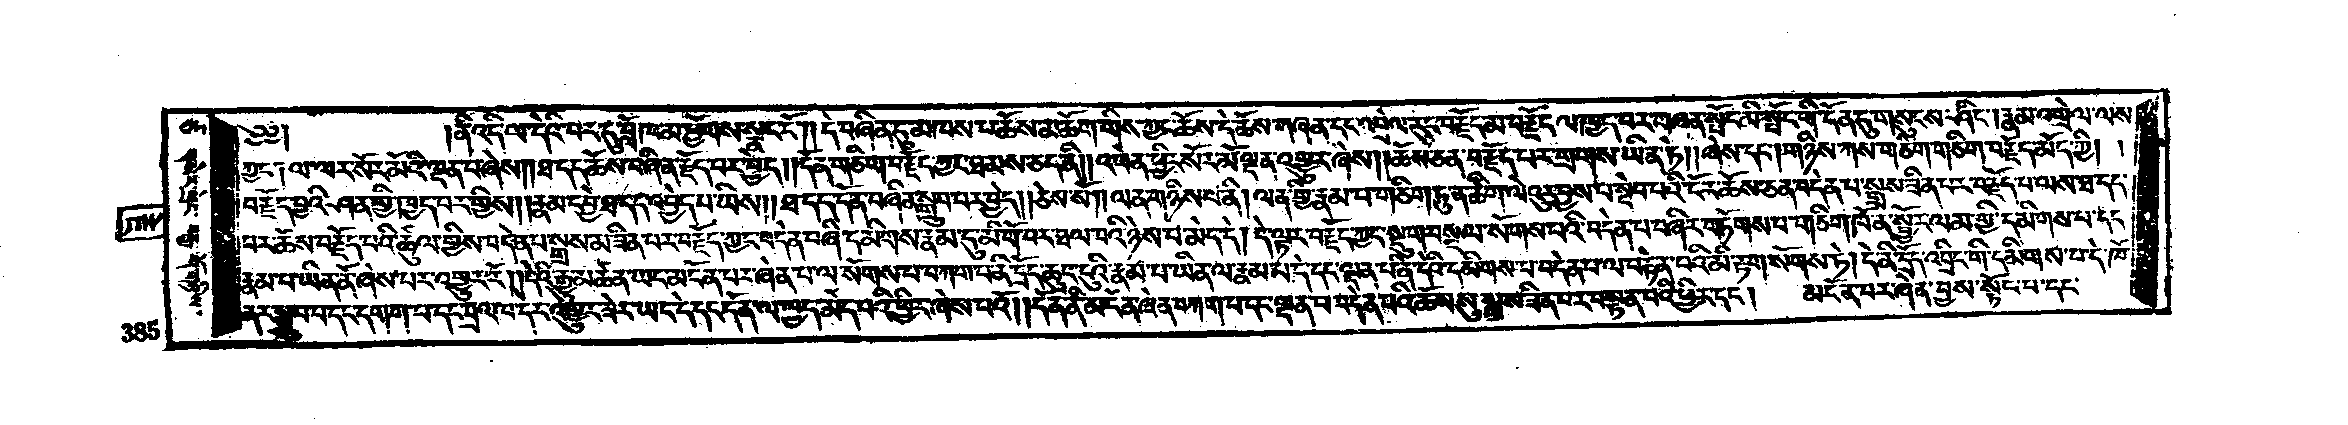༄༅། །ནི་འདི་ལ་དེའི་བར་དུ་བློ་ཁ་མ་ཕྱོགས་སྣང་ངོ། །དེ་བཞིན་དུ་མཁས་པ་ཆོས་མཆོག་གིས་ཀྱང་ཆོས་དེ་ཆོས་གཞན་དང་འབྲེལ་རུང་བརྗོད་མ་བརྗོད་ལ་ཁྱད་པར་གཞན་སྤོང་མི་སྤོང་གི་དོན་དུ་གསུངས་ཤིང་། རྣམ་འགྲེལ་ལས་
ཀྱང་། ལ་ལར་སོར་མོའི་ལྡན་པ་ཞེས། །ཐ་དད་ཆོས་བཞིན་བརྗོད་པར་བྱེད། །དོན་གཅིག་བརྗོད་ཀྱང་ཐམས་ཅད་ནི། །འཕེན་ཕྱིར་སོར་མོ་ལྡན་འགྱུར་ཞེས། །ཆོས་ཅན་བརྗོད་པར་གྲགས་ཡིན་ཏེ། །ཞེས་དང་། གཉིས་ཀས་གཅིག་གཅིག་བརྗོད་མོད་ཀྱི། །
བརྗོད་བྱའི་ཤན་གྱི་ཁྱད་པར་གྱིས། །རྣམ་དབྱེ་ཐ་དད་འབྱེད་པ་ཡིས། །ཐ་དད་དོན་བཞིན་སྒྲུབ་པར་བྱེད། །ཅེས་སོ། །ལན་གཉིས་པ་ནི། ལན་གྱི་རྣམ་པ་གཅིག་ཏུ་ན་ཚིག་ལེའུར་བྱས་པ་སྡེབ་པའི་ངོར་ཆོས་ཅན་བདེན་པ་སྒྲས་ཟིན་པར་བརྗོད་པ་ལས་ཐ་དད་
པར་ཆོས་བརྗོད་པའི་ཚུལ་གྱིས་བདེན་པ་སྒྲས་མ་ཟིན་པར་བརྗོད་ཀྱང་བདེན་བཞི་དམིགས་རྣམ་དུ་མི་གོ་བར་ཐལ་བའི་ཉེས་པ་མེད་དེ། དེ་ལྟར་བརྗོད་ཀྱང་སྡུག་བསྔལ་སོགས་པའི་བདེན་པ་བཞིར་གཏོགས་པ་གཅིག་ཁོ་ན་སྦྱོར་ལམ་གྱི་དམིགས་པ་དང་
རྣམ་པ་ཡིན་ནོ་ཞེས་པར་འགྱུར་རོ། །དེའི་རྒྱུ་མཚན་ཡང་མངོན་པར་ཞེན་པ་ལ་སོགས་པ་བཀག་པ་ནི་དྲོད་ཆུང་ངུའི་རྣམ་པ་ཡིན་ལ་རྣམ་པ་དེ་དང་ལྡན་པ་ནི་དེའི་དམིགས་པ་བདེན་པ་ལ་བརྟེན་པའི་མི་རྟག་སོགས་ཏེ། དེ་ནི་དྲོད་འབྲིང་གི་དམིགས་པ་དེ་ཁོ་
ནར་སྒྲུབ་པ་དང་དགག་པ་དང་བྲལ་བ་དེར་འགྱུར་ཟེར་ཡང་དེ་དང་དོན་ལ་ཁྱད་མེད་པའི་ཕྱིར་ཞེས་པའོ། །དོན་ནི་མངོན་ཞེན་བཀག་པ་དང་ལྡན་པ་བདེན་པའི་ཆོས་སུ་སྒྲས་ཟིན་པར་བསྟན་པའི་ཕྱིར་དང་། མངོན་པར་ཞེན་བྱས་སྟོང་པ་དང་